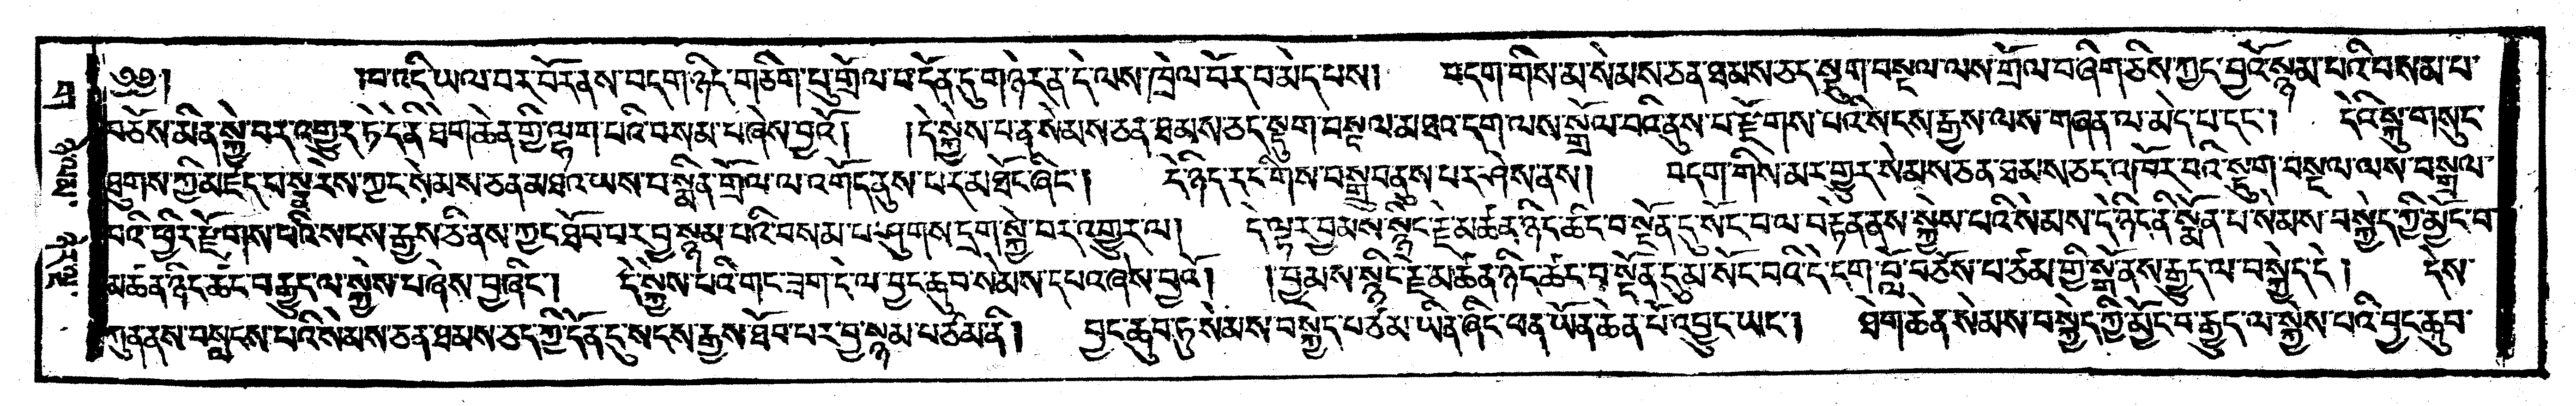༄༅། །བ་འདི་ཡལ་བར་བོར་ནས་བདག་ཉིད་གཅིག་པུ་གྲོལ་བ་དོན་དུ་གཉེར་ན་དེ་ལས་ཁྲེལ་བོར་བ་མེད་པས། བདག་གིས་མ་སེམས་ཅན་ཐམས་ཅད་སྡུག་བསྔལ་ལས་གྲོལ་བ་ཞིག་ཅིས་ཀྱང་བྱའོ་སྙམ་པའི་བསམ་པ་
བཅོས་མིན་སྐྱེ་བར་འགྱུར་ཏེ་དེ་ནི་ཐེག་ཆེན་གྱི་ལྷག་པའི་བསམ་པ་ཞེས་བྱའོ། །དེ་སྐྱེས་པ་ན་སེམས་ཅན་ཐམས་ཅད་སྡུག་བསྔལ་མཐའ་དག་ལས་སྒྲོལ་བའི་ནུས་པ་རྫོགས་པའི་སངས་རྒྱས་ལས་གཞན་ལ་མེད་པ་དང་། དེའི་སྐུ་གསུང་
ཐུགས་ཀྱི་མཛད་པ་སྣ་རེས་ཀྱང་སེམས་ཅན་མཐའ་ཡས་པ་སྨིན་གྲོལ་ལ་འགོད་ནུས་པར་མཐོང་ཞིང་། དེ་ཉིད་རང་གིས་བསྒྲུབ་ནུས་པར་ཤེས་ནས། བདག་གིས་མར་གྱུར་སེམས་ཅན་ཐམས་ཅད་འཁོར་བའི་སྡུག་བསྔལ་ལས་བསྒྲལ་
བའི་ཕྱིར་རྫོགས་པའི་སངས་རྒྱས་ཅི་ནས་ཀྱང་ཐོབ་པར་བྱ་སྙམ་པའི་བསམ་པ་ཤུགས་དྲག་སྐྱེ་བར་འགྱུར་ལ། དེ་ལྟར་བྱམས་སྙིང་རྗེ་མཚན་ཉིད་ཚང་བ་སྔོན་དུ་སོང་བ་ལ་བརྟེན་ནས་སྐྱེས་པའི་སེམས་དེ་ཉིད་ནི་སྨོན་པ་སེམས་བསྐྱེད་ཀྱི་མྱོང་བ་
མཚན་ཉིད་ཚང་བརྒྱུད་ལ་སྐྱེས་པ་ཞེས་བྱ་ཞིང་། དེ་སྐྱེས་པའི་གང་ཟག་དེ་ལ་བྱང་ཆུབ་སེམས་དཔའ་ཞེས་བྱའོ། །བྱམས་སྙིང་རྗེ་མཚན་ཉིད་ཚང་བ་སྔོན་དུ་མ་སོང་བའི་དེ་དག་བློ་བཅོས་པ་ཙམ་གྱི་སྒོ་ནས་རྒྱུད་ལ་བསྐྱེད་དེ། དེས་
ཀུན་ནས་བསླངས་པའི་སེམས་ཅན་ཐམས་ཅད་ཀྱི་དོན་དུ་སངས་རྒྱས་ཐོབ་པར་བྱ་སྙམ་པ་ཙམ་ནི། བྱང་ཆུབ་ཏུ་སེམས་བསྐྱེད་པ་ཙམ་ཡིན་ཞིང་ཕན་ཡོན་ཆེན་པོ་འབྱུང་ཡང་། ཐེག་ཆེན་སེམས་བསྐྱེད་ཀྱི་མྱོང་བ་རྒྱུད་ལ་སྐྱེས་པའི་བྱང་ཆུབ་